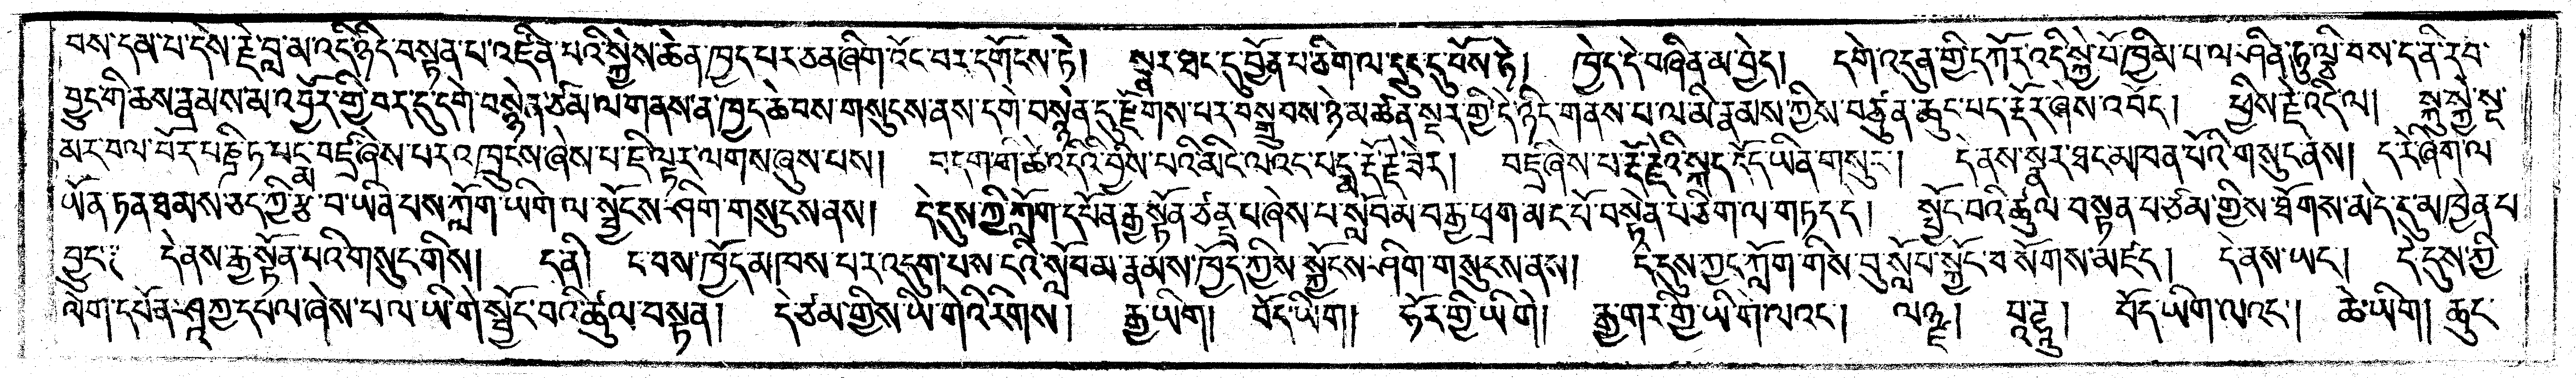བས་དམ་པ་དེས་རྗེ་བླ་མ་འདི་ཉིད་བསྟན་པ་འཛིན་པའི་སྐྱེས་ཆེན་ཁྱད་པར་ཅན་ཞིག་འོང་བར་དགོངས་ཏེ། སྣར་ཐང་དུ་བྱོན་པ་ཅིག་ལ་དྲུང་དུ་བོས་ཏེ། ཁྱེད་དེ་བཞིན་མ་བྱེད། དགེ་འདུན་གྱི་དཀོར་འདི་སྐྱེ་པོ་ཁྱིམ་པ་ལ་ཤིན་ཏུ་ལྕི་བས་ད་ནི་རབ་
བྱུང་གི་ཆས་རྣམས་མ་འབྱོར་གྱི་བར་དུ་དགེ་བསྙེན་ཙམ་ལ་གནས་ན་ཁྱད་ཆེབས་གསུངས་ནས་དགེ་བསྙེན་དུ་རྫོགས་པར་བསྒྲུབས་ཉེ་མཚན་སྔར་གྱི་དེ་ཉིད་གནས་པ་ལ་མི་རྣམས་ཀྱིས་བཙུན་ཆུང་པད་རྡོར་ཞེས་འབོད། ཕྱིས་རྗེ་འདི་ལ། སྐུ་སྐྱེ་སྔ་
མར་བལ་པོར་པཎྜི་ཏ་པདམ་བཛྲ་ཞེས་པར་འཁྲུངས་ཞེས་པ་ཇི་ལྟར་ལགས་ཞུས་པས། བདག་གི་ཚེ་འདིའི་བྱིས་པའི་མིང་ལའང་པདམ་རྡོ་རྗེ་ཟེར། བཛྲ་ཞེས་པ་རྡོ་རྗེའི་སྐད་དོད་ཡིན་གསུང་། དེ་ནས་སྣར་ཐང་མཁན་པོའི་གསུང་ནས། ད་རེ་ཞིག་ལ་
ཡོན་ཏན་ཐམས་ཅད་ཀྱི་རྩ་བ་ཡིན་པས་ཀློག་ཡིག་ལ་སྦྱོངས་ཤིག་གསུངས་ནས། དེ་དུས་ཀྱི་ཀློག་དཔོན་རྒྱ་སྟོན་ཙནྡྲ་པ་ཞེས་པ་སློབ་མ་བརྒྱ་ཕྲག་མང་པོ་བསྟན་པ་ཅིག་ལ་གཏད་དེ། སྤྱོང་བའི་ཚུལ་བསྟན་པ་ཙམ་གྱིས་ཐོགས་མེད་དུ་མཁྱེན་པ་
བྱུང༑ དེ་ནས་རྒྱ་སྟོན་པའི་གསུང་གིས། ད་ནི། བབས་ཁྱོད་མཁས་པར་འདུག་པས་ངའི་སློབ་མ་རྣམས་ཁྱོད་ཀྱིས་སྐྱོངས་ཤིག་གསུངས་ནས། དེ་དུས་ཀྱང་ཀློག་གིས་བུ་སློབ་སྐྱོང་བ་སོགས་མཛད། དེ་ནས་ཡང་། དེ་དུས་ཀྱི་
ལེག་དཔོན་ཤཱཀྱ་དཔལ་ཞེས་པ་ལ་ཡི་གེ་སྦྱོང་བའི་ཚུལ་བསྟན། དེ་ཙམ་གྱིས་ཡི་གེའི་རིགས། རྒྱ་ཡིག། བོད་ཡིག། ཧོར་གྱི་ཡི་གེ། རྒྱ་གར་གྱི་ཡི་གེ་ལའང་། ལཉྫ། བཱ་ཌྷཱུ། བོད་ཡིག་ལའང་། ཆེ་ཡིག། ཆུང་